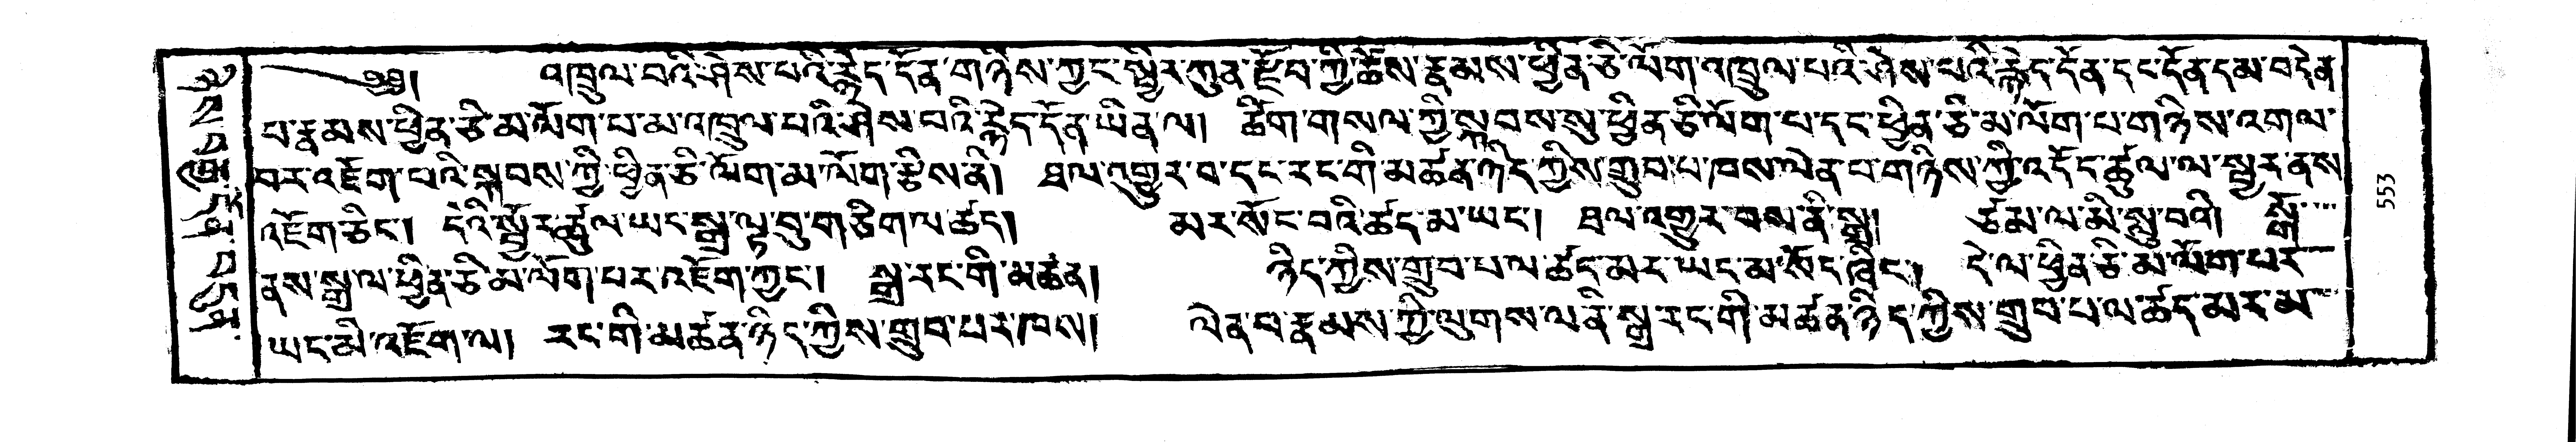༄༅། །འཁྲུལ་བའི་ཤེས་པའི་རྙེད་དོན་གཉིས་ཀྱང་སྤྱིར་ཀུན་རྫོབ་ཀྱི་ཆོས་རྣམས་ཕྱིན་ཅི་ལོག་འཁྲུལ་པའི་ཤེས་པའི་རྙེད་དོན་དང་དོན་དམ་བདེན་
པ་རྣམས་ཕྱིན་ཅི་མ་ལོག་པ་མ་འཁྲུལ་པའི་ཤེས་པའི་རྙེད་དོན་ཡིན་ལ། ཚིག་གསལ་ཀྱི་སྐབས་སུ་ཕྱིན་ཅི་ལོག་པ་དང་ཕྱིན་ཅི་མ་ལོག་པ་གཉིས་འགལ་
བར་འཇོག་པའི་སྐབས་ཀྱི་ཕྱིན་ཅི་ལོག་མ་ལོག་རྩིས་ནི། ཐལ་འགྱུར་བ་དང་རང་གི་མཚན་ཉིད་ཀྱིས་གྲུབ་པ་ཁས་ལེན་པ་གཉིས་ཀྱི་འདོད་ཚུལ་ལ་སྦྱར་ནས་
འཇོག་ཅིང་། དེའི་སྦྱོར་ཚུལ་ཡང་སྒྲ་ལྟ་བུ་གཅིག་ལ་ཚད། མར་སོང་བའི་ཚད་མ་ཡང་། ཐལ་འགྱུར་བས་ནི་སྒྲ། ཙམ་ལ་མི་སླུ་བའི། སྒོ་
ནས་སྒྲ་ལ་ཕྱིན་ཅི་མ་ལོག་པར་འཇོག་ཀྱང་། སྒྲ་རང་གི་མཚན། ཉིད་ཀྱིས་གྲུབ་པ་ལ་ཚད་མར་ཡང་མ་སོང་ཞིང་། དེ་ལ་ཕྱིན་ཅི་མ་ལོག་པར་
ཡང་མི་འཇོག་ལ། རང་གི་མཚན་ཉིད་ཀྱིས་གྲུབ་པར་ཁས། ལེན་པ་རྣམས་ཀྱི་ལུགས་ལ་ནི་སྒྲ་རང་གི་མཚན་ཉིད་ཀྱིས་གྲུབ་པ་ལ་ཚད་མར་མ་